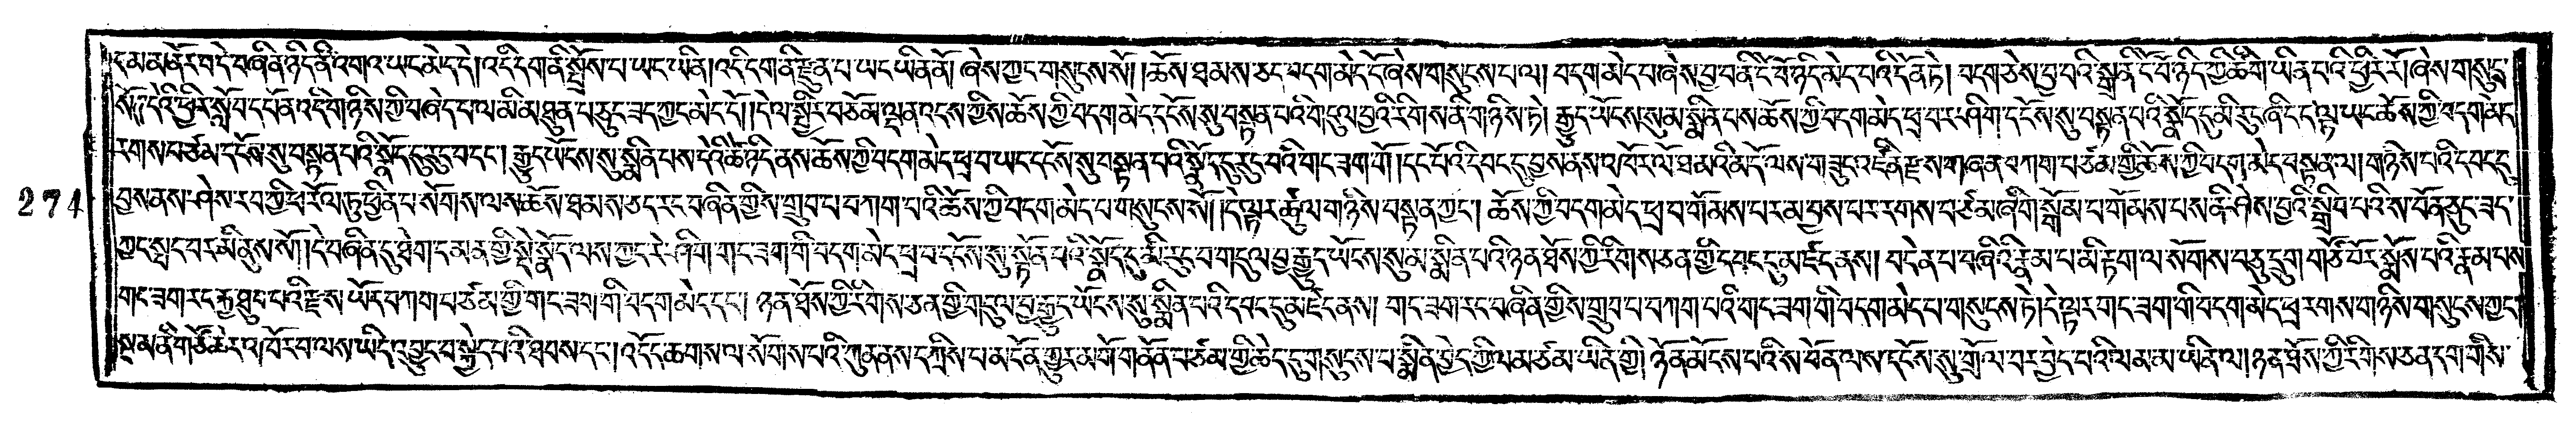དམ་མནོར་བ་དེ་བཞིན་ཉིད་ནི་འགའ་ཡང་མེད་དེ། འདི་དག་ནི་སྤྲོས་པ་ཡང་ཡིན། འདི་དག་ནི་རྫུན་པ་ཡང་ཡིན་ནོ། ཞེས་ཀྱང་གསུངས་སོ། །ཆོས་ཐམས་ཅད་བདག་མེད་དོ་ཞེས་གསུངས་པ་ལ། བདག་མེད་པ་ཞེས་བྱ་བ་ནི་ངོ་བོ་ཉིད་མེད་པའི་དོན་ཏེ། བདག་ཅེས་བྱ་བའི་སྒྲ་ནི་ངོ་བོ་ཉིད་ཀྱི་ཚིག་ཡིན་པའི་ཕྱིར་རོ། ཞེས་གསུངས་
སོ༑ ༑དེའི་ཕྱིར་སློབ་དཔོན་འདི་གཉིས་ཀྱི་བཞེད་པ་ལ་མི་མཐུན་པ་ཅུང་ཟད་ཀྱང་མེད་དོ། །དེ་ལ་སྤྱིར་བཅོམ་ལྡན་འདས་ཀྱིས་ཆོས་ཀྱི་བདག་མེད་དངོས་སུ་བསྟན་པའི་གདུལ་བྱའི་རིགས་ནི་གཉིས་ཏེ། རྒྱུད་ཡོངས་སུ་མ་སྨིན་པས་ཆོས་ཀྱི་བདག་མེད་ཕྲ་བར་ཤིག་དངོས་སུ་བསྟན་པའི་སྣོད་དུ་མི་རུང་ཞིང་ད་ལྟ་ཡང་ཆོས་ཀྱི་བདག་མེད་
རགས་པ་ཙམ་དངོས་སུ་བསྟན་པའི་སྣོད་དུ་རུང་བ་དང་། རྒྱུད་ཡོངས་སུ་སྨིན་པས་དེའི་ཚེ་ཉིད་ནས་ཆོས་ཀྱི་བདག་མེད་ཕྲ་བ་ཡང་དངོས་སུ་བསྟན་པའི་སྣོད་དུ་རུང་བའི་གང་ཟག་གོ །དང་པོའི་དབང་དུ་བྱས་ནས་འཁོར་ལོ་ཐ་མའི་མདོ་ལས་གཟུང་འཛིན་རྫས་གཞན་བཀག་པ་ཙམ་གྱི་ཆོས་ཀྱི་བདག་མེད་བསྟན་ལ། གཉིས་པའི་དབང་དུ་
བྱས་ནས་ཤེས་རབ་ཀྱི་ཕ་རོལ་ཏུ་ཕྱིན་པ་སོགས་ལས་ཆོས་ཐམས་ཅད་རང་བཞིན་གྱིས་གྲུབ་པ་བཀག་པའི་ཆོས་ཀྱི་བདག་མེད་པ་གསུངས་སོ། །དེ་ལྟར་ཚུལ་གཉིས་བསྟན་ཀྱང་། ཆོས་ཀྱི་བདག་མེད་ཕྲ་བ་གོམས་པར་མ་བྱས་པར་རགས་བ་ཙམ་ཞིག་སྒོམ་པ་གོམས་པས་ནི་ཤེས་བྱའི་སྒྲིབ་པའི་ས་བོན་ཅུང་ཟད་
ཀྱང་སྤང་བར་མི་ནུས་སོ། །དེ་བཞིན་དུ་ཐེག་དམན་གྱི་སྡེ་སྣོད་ལས་ཀྱང་རེ་ཤིག་གང་ཟག་གི་བདག་མེད་ཕྲ་བ་དངོས་སུ་སྟོན་པའི་སྣོད་དུ་མི་རུང་བ་གདུལ་བྱ་རྒྱུད་ཡོངས་སུ་མ་སྨིན་པའི་ཉན་ཐོས་ཀྱི་རིགས་ཅན་གྱི་དབང་དུ་མཛད་ནས། བདེན་པ་བཞིའི་རྣམ་པ་མི་རྟག་ལ་སོགས་བཅུ་དྲུག་གཙོ་བོར་སྨོས་པའི་རྣམ་པས་
གང་ཟག་རང་རྐྱ་ཐུབ་པའི་རྫས་ཡོད་བཀག་པ་ཙམ་གྱི་གང་ཟག་གི་བདག་མེད་དང་། ཉན་ཐོས་ཀྱི་རིགས་ཅན་གྱི་གདུལ་བྱ་རྒྱུད་ཡོངས་སུ་སྨིན་པའི་དབང་དུ་མཛད་ནས། གང་ཟག་རང་བཞིན་གྱིས་གྲུབ་པ་བཀག་པའི་གང་ཟག་གི་བདག་མེད་པ་གསུངས་ཏེ། དེ་ལྟར་གང་ཟག་གི་བདག་མེད་ཕྲ་རགས་གཉིས་གསུངས་ཀྱང་
སྔ་མ་ནི་གཙོ་ཆེར་འཁོར་བ་ལས་ཡིད་འབྱུང་བ་སྐྱེད་བའི་ཐབས་དང་། འདོད་ཆགས་ལ་སོགས་པའི་ཀུན་ནས་དཀྲིས་པ་མངོན་གྱུར་མགོ་གནོན་པ་ཙམ་གྱི་ཆེད་དུ་གསུངས་པ་སྨིན་བྱེད་ཀྱི་ལམ་ཙམ་ཡིན་གྱི། ཉོན་མོངས་པའི་ས་བོན་ལས་དངོས་སུ་གྲོལ་བར་བྱེད་པའི་ལམ་མ་ཡིན་ལ། ཉན་ཐོས་ཀྱི་རིགས་ཅན་དག་གིས་